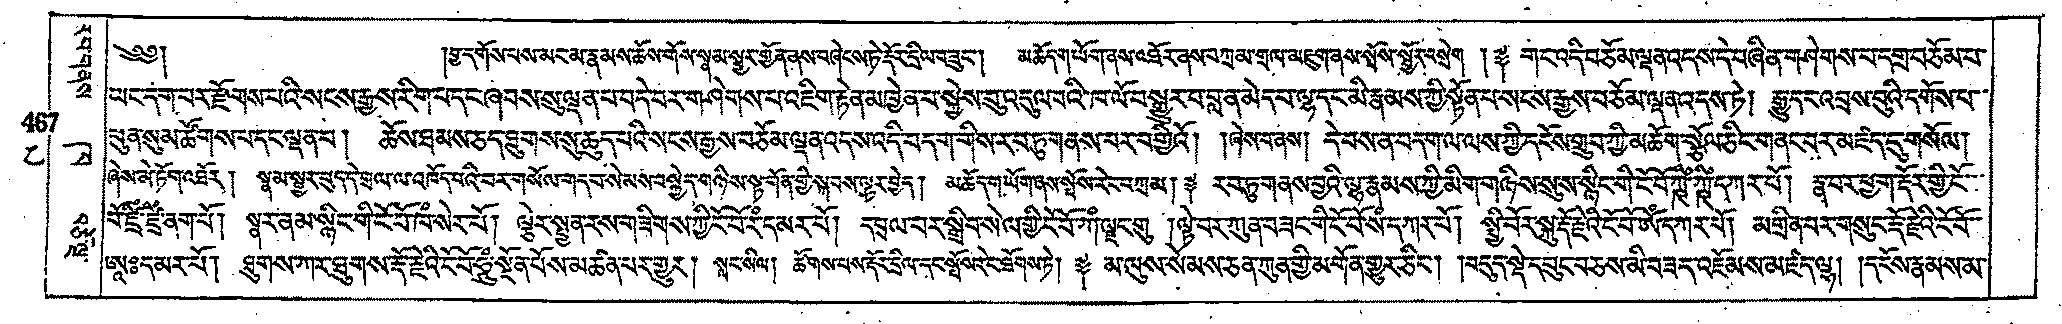༄༅། །བྱ་དགོས་པས་མང་མ་རྣམས་ཆོས་གོས་སྣམ་སྦྱར་གྱོན་ནས་བཞེངས་ཏེ་རྡོར་དྲིལ་བཟུང་། མཆོད་གཡོག་ནས་འཐོར་ནས་བཀྲམ་གྲལ་མཇུག་ནས་སྤོས་སྦྱོར་བསྲེག ། འ་གང་འདི་བཅོམ་ལྡན་འདས་དེ་བཞིན་གཤེགས་པ་དགྲ་བཅོམ་པ་
ཡང་དག་པར་རྫོགས་པའི་སངས་རྒྱས་རིག་པ་དང་ཞབས་སུ་ལྡན་པ་བདེ་བར་གཤེགས་པ་འཇིག་རྟེན་མཁྱེན་པ་སྐྱེས་བུ་འདུལ་བའི་ཁ་ལོ་བསྒྱུར་བ་བླ་ན་མེད་པ་ལྷ་དང་མི་རྣམས་ཀྱི་སྟོན་པ་སངས་རྒྱས་བཅོམ་ལྡན་འདས་ཏེ། རྒྱུ་དང་འབྲས་བུའི་དགོས་པ་
ཕུན་སུམ་ཚོགས་པ་དང་ལྡན་པ། ཆོས་ཐམས་ཅད་ཐུགས་སུ་ཆུད་པའི་སངས་རྒྱས་བཅོམ་ལྡན་འདས་འདི་བདག་གིས་རབ་ཏུ་གནས་པར་བགྱིའོ། །ཞེས་པ་ནས།  དེ་བས་ན་བདག་ལ་ལས་ཀྱི་དངོས་གྲུབ་ཀྱི་མཆོག་སྩོལ་ཅིང་གནང་བར་མཛད་དུ་གསོལ།
ཞེས་མེ་ཏོག་འཐོར། སྣམ་སྦྱར་ཕུད་དེ་གྲལ་ལ་འཁོད་པའི་བར་གསོལ་གདབ་སེམས་བསྐྱེད་གཉིས་སྟ་གོན་གྱི་སྐབས་ལྟར་བྱེད། མཆོད་གཡོག་ནས་སྤོས་རེང་བཀྲམ།  ༑ རབ་ཏུ་གནས་བྱའི་ལྷ་རྣམས་ཀྱི་མིག་གཉིས་སུ་ས་སྙིང་གི་ངོ་བོ་ཀྵིཾ་ཀྵིཾ་དཀར་པོ། རྣ་བར་ཕྱག་རྡོར་གྱི་ངོ་
བོ་ཛྲིཾ་ཛྲིཾ་ནག་པོ། སྣར་ནམ་སྙིང་གི་ངོ་བོ་ཁཾ་སེར་པོ། ལྕེར་སྤྱན་རས་གཟིགས་ཀྱི་ངོ་བོ་རཾ་དམར་པོ། དཔྲལ་བར་སྒྲིབ་སེལ་གྱི་ངོ་བོ་ཀཾ་ལྗང་གུ། །ལྟེ་བར་ཀུན་བཟང་གི་ངོ་བོ་སཾ་དཀར་པོ། སྤྱི་བོར་སྐུ་རྡོ་རྗེའི་ངོ་བོ་ཨོཾ་དཀར་པོ། མགྲིན་པར་གསུང་རྡོ་རྗེའི་ངོ་བོ་
ཨཱཿདམར་པོ། ཐུགས་ཀར་ཐུགས་རྡོ་རྗེའི་ངོ་བོ་ཧཱུཾ་སྔོན་པོས་མཚན་པར་གྱུར། སླང་སིལ། ཚོགས་པས་རྡོར་དྲིལ་དང་སྤོས་རེང་ཐོགས་ཏེ།  འ་མ་ལུས་སེམས་ཅན་ཀུན་གྱི་མགོན་གྱུར་ཅིང་། །བདུད་སྡེ་དཔུང་བཅས་མི་བཟད་འཇོམས་མཛད་ལྷ། །དངོས་རྣམས་མ་